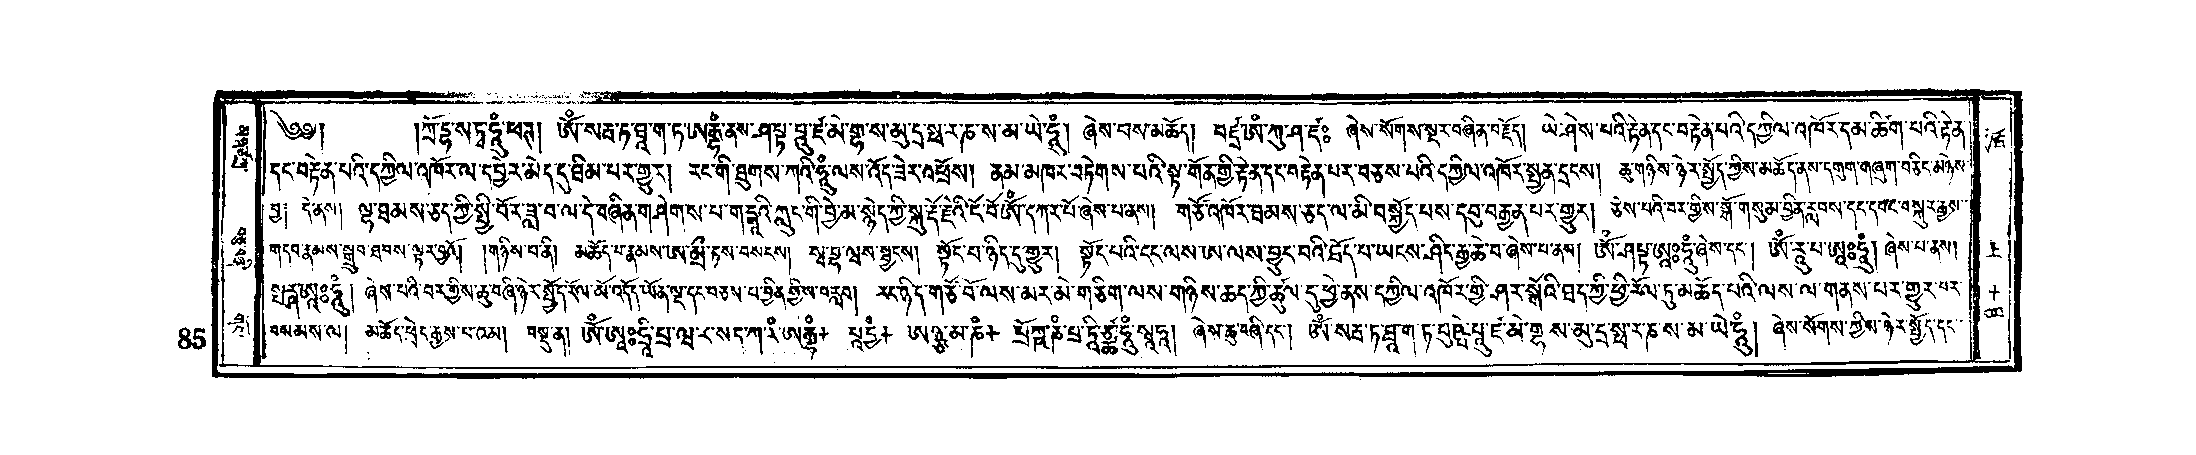༄༅། །ཀྲོ་དྷ་སཏྭ་ཧཱུཾ་ཕཊ། ཨོཾ་སརྦ་ཏ་ཐཱ་ག་ཏ་ཨརྒྷཾ་ནས་ཤཔྟ་པཱུ་ཛ་མེ་གྷ་ས་མུ་དྲ་སྥ་ར་ཎ་ས་མ་ཡེ་ཧཱུཾ། ཞེས་པས་མཆོད། བཛྲ་ཨཾ་ཀུ་ཤ་ཛཿ ཞེས་སོགས་སྔར་བཞིན་བརྗོད། ཡེ་ཤེས་པའི་རྟེན་དང་བརྟེན་པའི་དཀྱིལ་འཁོར་དམ་ཚིག་པའི་རྟེན་
དང་བརྟེན་པའི་དཀྱིལ་འཁོར་ལ་དབྱེར་མེད་དུ་ཐིམ་པར་གྱུར། རང་གི་ཐུགས་ཀའི་ཧཱུཾ་ལས་འོད་ཟེར་འཕྲོས། ནམ་མཁར་བཏེགས་པའི་སྟ་གོན་གྱི་རྟེན་དང་བརྟེན་པར་བཅས་པའི་དཀྱིལ་འཁོར་སྤྱན་དྲངས། ཆུ་གཉིས་ཉེར་སྤྱོད་ཀྱིས་མཆོད་ནས་དགུག་གཞུག་བཅིང་མཉེས་
བྱ། དེ་ནས། ལྷ་ཐམས་ཅད་ཀྱི་སྤྱི་བོར་ཟླ་བ་ལ་དེ་བཞིན་གཤེགས་པ་གངྒཱའི་ཀླུང་གི་བྱེ་མ་སྙེད་ཀྱི་སྐུ་རྡོ་རྗེའི་ངོ་བོ་ཨོཾ་དཀར་པོ་ཞེས་པ་ནས། གཙོ་འཁོར་ཐམས་ཅད་ལ་མི་བསྐྱོད་པས་དབུ་བརྒྱན་པར་གྱུར། ཅེས་པའི་བར་གྱིས་སྒོ་གསུམ་བྱིན་རླབས་དང་དབང་བསྐུར་རྒྱས་
གདབ་རྣམས་སྒྲུབ་ཐབས་ལྟར་བྱའོ། །གཉིས་པ་ནི། མཆོད་པ་རྣམས་ཨ་མྲྀ་ཏས་བསངས། སྭ་བྷ་ཝས་སྦྱངས། སྟོང་པ་ཉིད་དུ་གྱུར། སྟོང་པའི་ངང་ལས་ཨ་ལས་བྱུང་བའི་ཐོད་པ་ཡངས་ཤིང་རྒྱ་ཆེ་བ་ཞེས་པ་ནས། ཨོཾ་ཤཔྟ་ཨཱཿ ཧཱུཾ་ཞེས་དང་། ཨོཾ་རཱུ་པ་ཨཱཿ ཧཱུཾ། ཞེས་པ་ནས།
སྤརྴ་ཨཱཿ ཧཱུཾ། ཞེས་པའི་བར་གྱིས་ཆུ་བཞི་ཉེར་སྤྱོད་རོལ་མོ་འདོད་ཡོན་ལྔ་དང་བཅས་པ་བྱིན་གྱིས་བརླབ། རང་ཉིད་གཙོ་བོ་ལས་མར་མེ་གཅིག་ལས་གཉིས་ཆད་ཀྱི་ཚུལ་དུ་ཕྱེ་ནས་དཀྱིལ་འཁོར་གྱི་ཤར་སྒོའི་ཐད་ཀྱི་ཕྱི་རོལ་ཏུ་མཆོད་པའི་ལས་ལ་གནས་པར་གྱུར་པར་
བསམས་ལ། མཆོད་ཕྲེང་རྒྱས་པའམ། བསྡུ་ན། ཨོཾ་ཨཱཿ ཧྲཱི་པྲ་ཝ་ར་སད་ཀ་རཾ་ཨརྒྷཾ་+་པཱདྱཾ་+་ཨཉྩ་མ་ཎཾ་+་པྲོཀྵ་ཎཾ་པྲ་ཏཱི་ཙྪ་ཧཱུཾ་སྭཱཧཱ། ཞེས་ཆུ་བཞི་དང་། ཨོཾ་སརྦ་ཏ་ཐཱ་ག་ཏ་པུཥྤེ་པཱུ་ཛ་མེ་གྷ་ས་མུ་དྲ་སྥ་ར་ཎ་ས་མ་ཡེ་ཧཱུཾ། ཞེས་སོགས་ཀྱིས་ཉེར་སྤྱོད་དང་